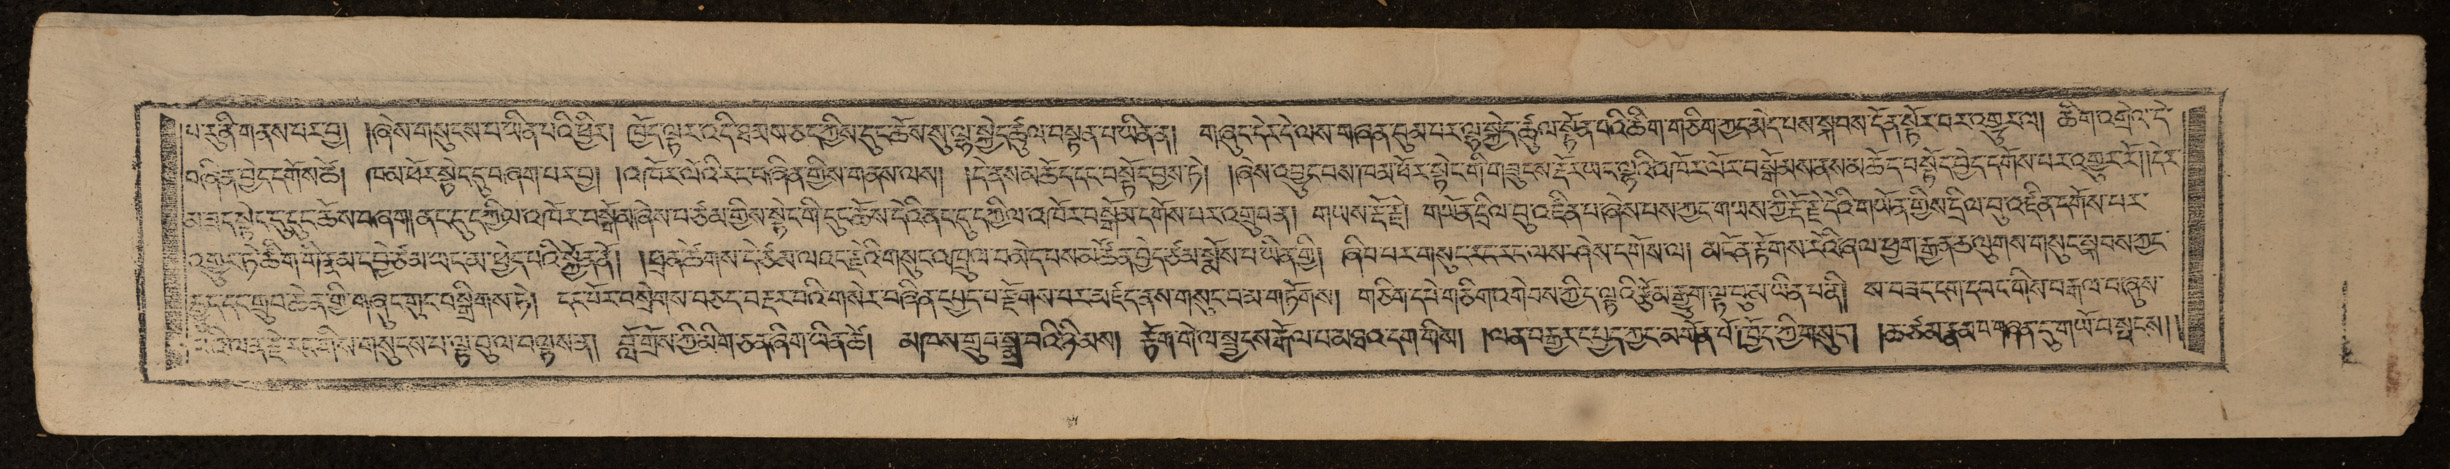པ་རུ་ནི་གནས་པར་བྱ། །ཞེས་གསུངས་པ་ཡིན་པའི་ཕྱིར། ཁྱོད་ལྟར་འདི་ཐམས་ཅད་ཀྱིས་དུང་ཆོས་སུ་ལྷ་སྐྱེད་ཚུལ་བསྟན་པ་ཡིན་ན། གཞུང་དེར་དེ་ལས་གཞན་བུམ་པར་ལྷ་སྐྱེད་ཚུལ་སྟོན་པའི་ཚིག་གཅིག་ཀྱང་མེད་བས་སྐབས་དོན་སྟོར་བར་འགྱུར་ལ། ཚིག་འགྲེལ་དེ་
བཞིན་བྱེད་དགོས་ཚེ། ཁམ་ཕོར་སྟེང་དུ་བཞག་པར་བྱ། །འཁོར་ལོའི་རང་བཞིན་གྱིས་གནས་ལས། །དེ་ནས་མཆོད་དང་བསྟོད་བྱས་ཏེ། །ཞེས་འབྱུང་བས་ཁམ་ཕོར་སྟེང་གི་གཟུངས་རྡོར་ཡང་ལྷའི་འཁོར་ལོར་བསྒོམས་ནས་མཆོད་བསྟོད་བྱེད་དགོས་པར་འགྱུར་རོ། །དེར་
མ་ཟད་སྟེང་དུ་དུང་ཆོས་བཞག། ནང་དུ་དཀྱིལ་འཁོར་བསྒོམ་ཞེས་བ་ཙམ་གྱིས་སྟེང་གི་དུང་ཆོས་དེའི་ནང་དུ་དཀྱིལ་འཁོར་བསྒོམ་དགོས་པར་འགྲུབ་ན། གཡས་རྡོ་རྗེ། གཡོན་དྲིལ་བུ་འཛིན་པ་ཞེས་པས་ཀྱང་གཡས་ཀྱི་རྡོ་རྗེ་དེའི་གཡོན་གྱིས་དྲིལ་བུ་འཛིན་དགོས་པར་
འགྱུར་ཏེ་ཚིག་གི་རྣམ་དབྱེ་ཙམ་ཡང་མ་ཕྱེད་པའི་སྐྱོན་ནོ། །ཕྲན་ཚེགས་དེ་ཙམ་ལའང་རྗེའི་གསུང་འཁྲུལ་པ་མེད་པས་མཚོན་བྱེད་ཙམ་སྨོས་པ་ཡིན་གྱི། ཞིབ་པར་གསུང་རང་རང་ལས་ཤེས་དགོས་ལ། མངོན་རྟོགས་རེའི་ཞལ་ཕྱག་རྒྱན་ཆ་ལུགས་གསུང་སྐབས་ཀྱང་
རྒྱུད་དང་གྲུབ་ཆེན་གྱི་གཞུང་གུང་བསྒྲིགས་ཏེ། དང་པོར་བསྲེགས་བཅད་བརྡར་བའི་གསེར་བཞིན་དཔྱད་པ་རྫོགས་པར་མཛད་ནས་གསུང་བ་མ་གཏོགས། གཅིག་དཔེ་གཅིག་འགེབས་ཀྱིད་ལྟའི་རྩོམ་རྒྱུག་ལྟ་བུམ་ཡིན་པ་ནི། ས་བཟང་ངག་དབང་གིས་བརྒལ་བ་ཞུས་
པའི་ལན་རྗེ་རང་གིས་གསུངས་པ་ལྟ་བུ་ལ་བལྟས་ན་བློ་གྲོས་ཀྱི་མིག་ཅན་ཞིག་ཡིན་ཚེ། མཁས་གྲུབ་སྨྲ་བའི་ཉི་མས། རྟོག་གེ་ལ་སྦྱངས་རྒོལ་བ་མཐའ་དག་གིས། །ལན་བརྒྱར་དཔྱད་ཀྱང་མགོན་པོ་ཁྱོད་ཀྱི་གསུང་། །ཆ་ཙམ་རྣམ་པ་གཞན་དུ་གཡོ་བ་སྤངས།།